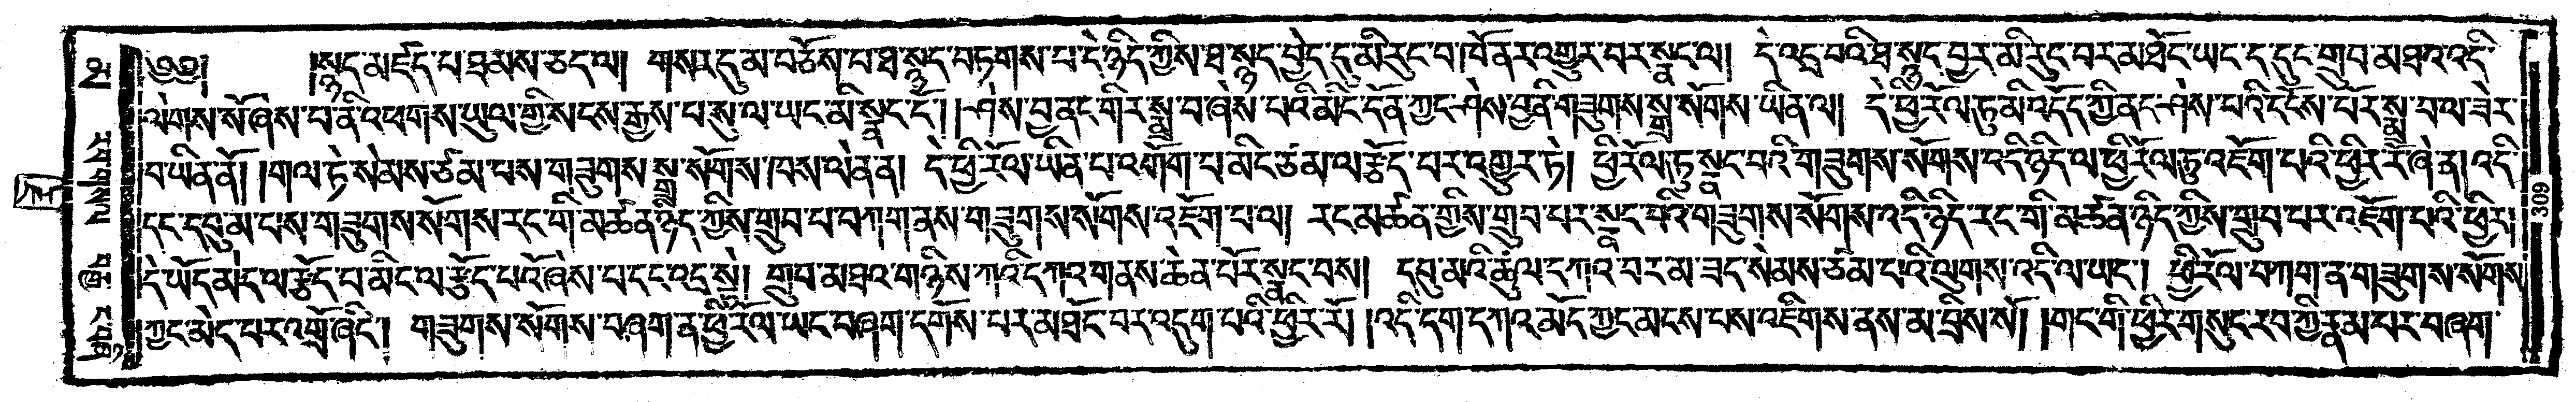༄༅། །སྙད་མཛད་པ་ཐམས་ཅད་ལ། གསར་དུ་མ་བཅོས་པ་ཐ་སྙད་བཏགས་པ་དེ་ཉིད་ཀྱིས་ཐ་སྙད་བྱེད་དུ་མི་རུང་བ་ཁོ་ནར་འགྱུར་བར་སྣང་ལ། དེ་འདྲ་བའི་ཐ་སྙད་བྱར་མི་རུང་བར་མཐོང་ཡང་ད་དུང་གྲུབ་མཐའ་འདི་
ལེགས་སོ་ཞེས་པ་ནི་འཕགས་ཡུལ་གྱི་སངས་རྒྱས་པ་སུ་ལ་ཡང་མི་སྣང་ངོ། །ཤེས་བྱ་ནང་གིར་སྨྲ་བ་ཞེས་པའི་མིང་དོན་ཀྱང་ཤེས་བྱ་ནི་གཟུགས་སྒྲ་སོགས་ཡིན་ལ། དེ་ཕྱི་རོལ་ཏུ་མི་འདོད་ཀྱི་ནང་ཤེས་པའི་དངོས་པོར་སྨྲ་བ་ལ་ཟེར་
བ་ཡིན་ནོ། །གལ་ཏེ་སེམས་ཙམ་པས་གཟུགས་སྒྲ་སོགས་ཁས་ལེན་ན། དེ་ཕྱི་རོལ་ཡིན་པ་འགོག་པ་མིང་ཙམ་ལ་རྩོད་པར་འགྱུར་ཏེ། ཕྱི་རོལ་ཏུ་སྣང་བའི་གཟུགས་སོགས་འདི་ཉིད་ལ་ཕྱི་རོལ་ཏུ་འཇོག་པའི་ཕྱིར་རོ་ཞེ་ན། འདི་
དང་དབུ་མ་པས་གཟུགས་སོགས་རང་གི་མཚན་ཉིད་ཀྱིས་གྲུབ་པ་བཀག་ནས་གཟུགས་སོགས་འཇོག་པ་ལ། རང་མཚན་གྱིས་གྲུབ་པར་སྣང་བའི་གཟུགས་སོགས་འདི་ཉིད་རང་གི་མཚན་ཉིད་ཀྱིས་གྲུབ་པར་འཇོག་པའི་ཕྱིར།
དེ་ཡོད་མེད་ལ་རྩོད་པ་མེད་ལ་རྩོད་པའོ་ཞེས་པ་དང་འདྲ་སྟེ། གྲུབ་མཐའ་གཉིས་ཀའི་དཀའ་གནས་ཆེན་པོར་སྣང་བས། དབུ་མའི་ཚུལ་དཀའ་བར་མ་ཟད་སེམས་ཙམ་པའི་ལུགས་འདི་ལ་ཡང་། ཕྱི་རོལ་བཀག་ན་གཟུགས་སོགས་
ཀྱང་མེད་པར་འགྲོ་ཞིང་། གཟུགས་སོགས་བཞག་ན་ཕྱི་རོལ་ཡང་བཞག་དགོས་པར་མཐོང་བར་འདུག་པའི་ཕྱིར་རོ། །འདི་དག་དཀའ་མོད་ཀྱང་མངས་བས་འཇིགས་ནས་མ་བྲིས་སོ། །གང་གི་ཕྱིར་གསུང་རབ་ཀྱི་རྣམ་པར་བཞག་